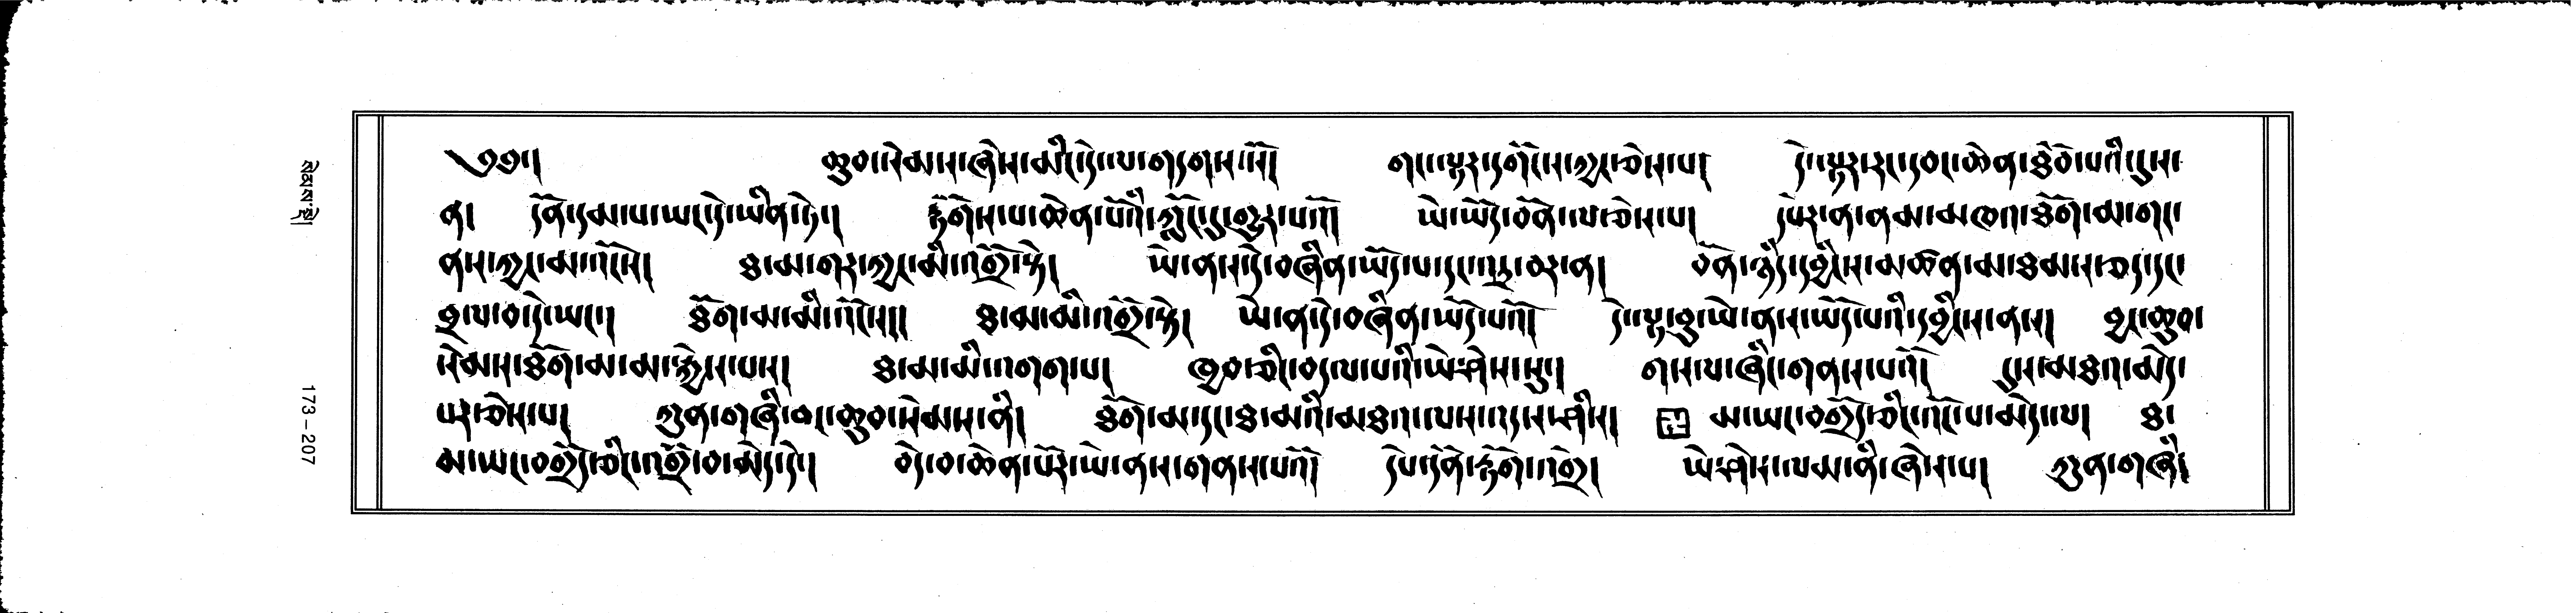ཆུབ་ཅེས་མིང་དེ་ལ་གདགས་སོ། །གང་ལྟར་དགོངས་ཀྱང་ཅེས་པ། དེ་ལྟར་རང་དབང་ཆེན་པོ་ཐོབ་པའི་དུས་
ན། དོན་དམ་པ་ཡང་དེ་ཡིན་ཏེ། རྟོགས་པ་ཆེན་པོའི་ཀློང་དུ་གྱུར་པའོ། །ཡེ་ཡོད་བོན་ལ་ཅེས་པ། དཔེར་ན་ནམ་མཁའ་ཐོག་མ་གང་
ནས་ཀྱང་མ་འོངས། ཐ་མར་གར་ཀྱང་མི་འགྲོ་སྟེ། ཡེ་ནས་དེ་བཞིན་ཡོད་པ་དང་འདྲ་བར་ན། བོན་ཉིད་དབྱིངས་མཚན་མ་ཐམས་ཅད་དང་
བྲལ་བ་དེ་ཡང་། ཐོག་མ་མི་འོངས། ཐ་མ་མི་འགྲོ་སྟེ། ཡེ་ནས་དེ་བཞིན་ཡོད་པའོ། །དེ་ལྟ་བུ་ཡེ་ནས་ཡོད་པའི་དབྱིངས་ནས། བྱང་ཆུབ་
སེམས་ཐོག་མ་མ་སྐྱེས་པས། ཐ་མ་མི་འགག་པ། ཁྱབ་ཅིང་བདལ་པའི་ཡེ་ཤེས་སུ། གསལ་ཞིང་གནས་པའོ། །དུས་མཐའ་མེད་
པར་ཅེས་པ། ཀུན་གཞི་བྱང་ཆུབ་སེམས་ནི། ཐོག་མ་དང་ཐ་མའི་མཐའ་ལས་འདས་ཤིང་། མ་ཡང་བགྲོད་ཅིང་འོང་མེད་ལ། ཐ་
མ་ཡང་བགྲོད་ཅིང་འགྲོ་བ་མེད་དེ།་བདེ་བ་ཆེན་པོར་ཡེ་ནས་གནས་པའོ། དཔེ་དོན་རྟོག་འགྲོ། ཡེ་ཤེས་ལམ་ནི་ཞེས་པ། ཀུན་གཞི་